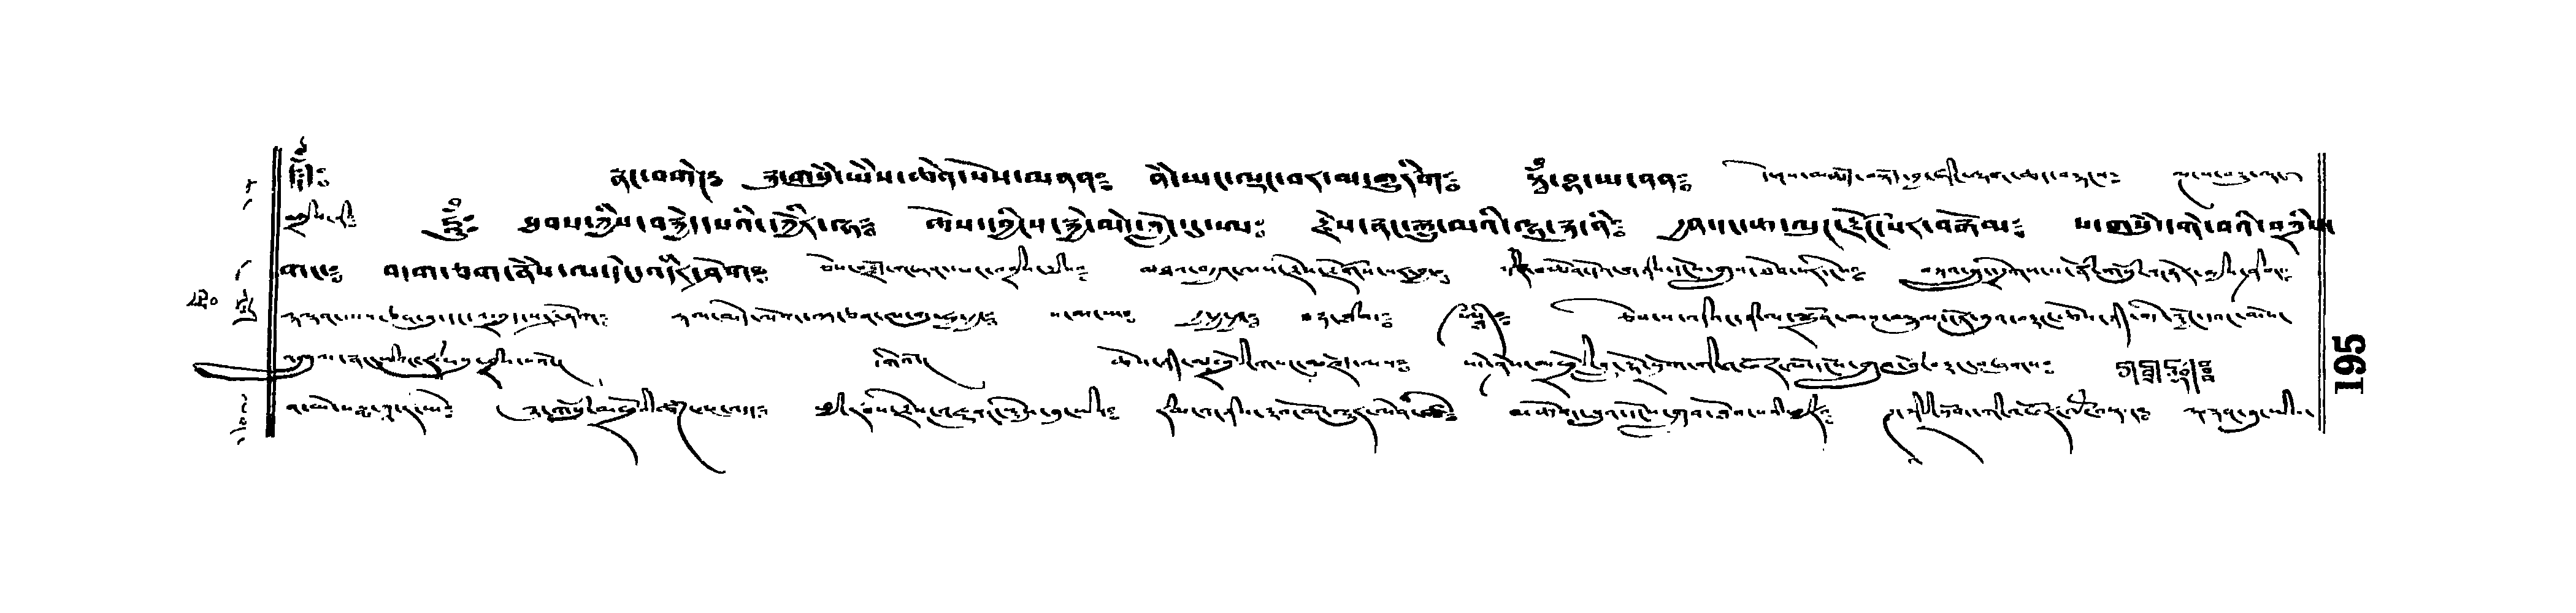སྣང་བགེགས༔ སྐུ་གསུམ་ཡེ་ཤེས་ཆེན་པོས་མནན༔ ནམ་ཡང་ལྡང་བར་མ་གྱུར་ཅིག༔ སྟྭྃ་བྷ་ཡ་ནན༔ དེ་ནས་མཆོད་བསྟོད་བྱ་ཞིང་ལྷག་ཆད་བསྐངས༔ ལྔ་པ་བསྡུ་ལྡང་
བཀྲ་ཤིས་ནི༔ ཧཱུྃ༔ ཐབས་ཀྱིས་བསྐྱེད་པའི་དཀྱིལ་འཁོར་ལྷ༔ ཆོས་དབྱིངས་སྐྱེ་མེད་ཀློང་དུ་ཨ༔ རྗེས་སྣང་སྒྱུ་མའི་ལྷ་སྐུ་ནི༔ རྒྱན་དང་ཆ་ལུགས་རྫོགས་པར་བསྒོམ༔ ས་གསུམ་དགེ་བའི་བཀྲ་ཤིས་
གང༔ བདག་ཅག་རྣམས་ལ་དེང་འདིར་ཤོག༔ ཅེས་བརྗོད་གཞན་ཡང་བཀྲ་ཤིས་ཀྱིས༔ མཐའ་བརྒྱན་ལས་རྗེས་རྫོགས་པར་བྱ༔ འདིར་བརྩོན་དོན་གཉིས་དངོས་གྲུབ་ཐོབ་པར་ངེས༔ བཀའ་སྲུང་དྲེགས་པ་རྣམ་གསུམ་གཉེར་གྱིས་ཤིག༔ 
སྐལ་ལྡན་ལས་ཅན་བུ་དང་འཕྲད་པར་ཤོག༔ སྐལ་མེད་ལོག་ལྟ་ཅན་ལ་གུ་ཧྱ་རྒྱ༔ ས་མ་ཡ༔ རྒྱ་རྒྱ་རྒྱ༔ བརྡ་ཐིམ༔ ༔ ཅེས་པ་འདིའང་ཉི་མ་སྒྲོན་མས་བསྐུལ་ངོར་ཀུན་བཟང་ཆོས་ཉིད་བདེ་སྐྱོང་དབང་མོས་
འཁྲུལ་སྣང་ཡིག་རིས་སུ་བྲིས་པའོ།། དགེའོ།། ཆོས་ཉིད་མཁའ་འགྲོའི་གསང་མཛོད་ལས༔ ཡེ་ཤེས་མཁའ་འགྲོའི་བླ་རྡོ་སྲོག་གི་འཁོར་ལོ་དངོས་གྲུབ་བུམ་བཟང་བཞུགས༔ 
ན་མོ་པདྨ་ཀཱ་ར་ཡེ༔ སྐུ་གསུམ་མཁའ་འགྲོའི་ཚོགས་ལ་འདུད༔ ཕྱི་རབས་རྗེས་འཇུག་སྐྱེས་བུ་ཡིས༔ རིམ་གཉིས་ཟབ་མོར་ལྷུར་ལེན་ཚེ༔ མཆོག་ཐུན་དངོས་གྲུབ་ཐོབ་པའི་ཕྱིར༔ ཌཱ་ཀིའི་སྲོག་གི་འཁོར་ལོ་བསྟན༔ སྐལ་ལྡན་བུ་ཡིས་